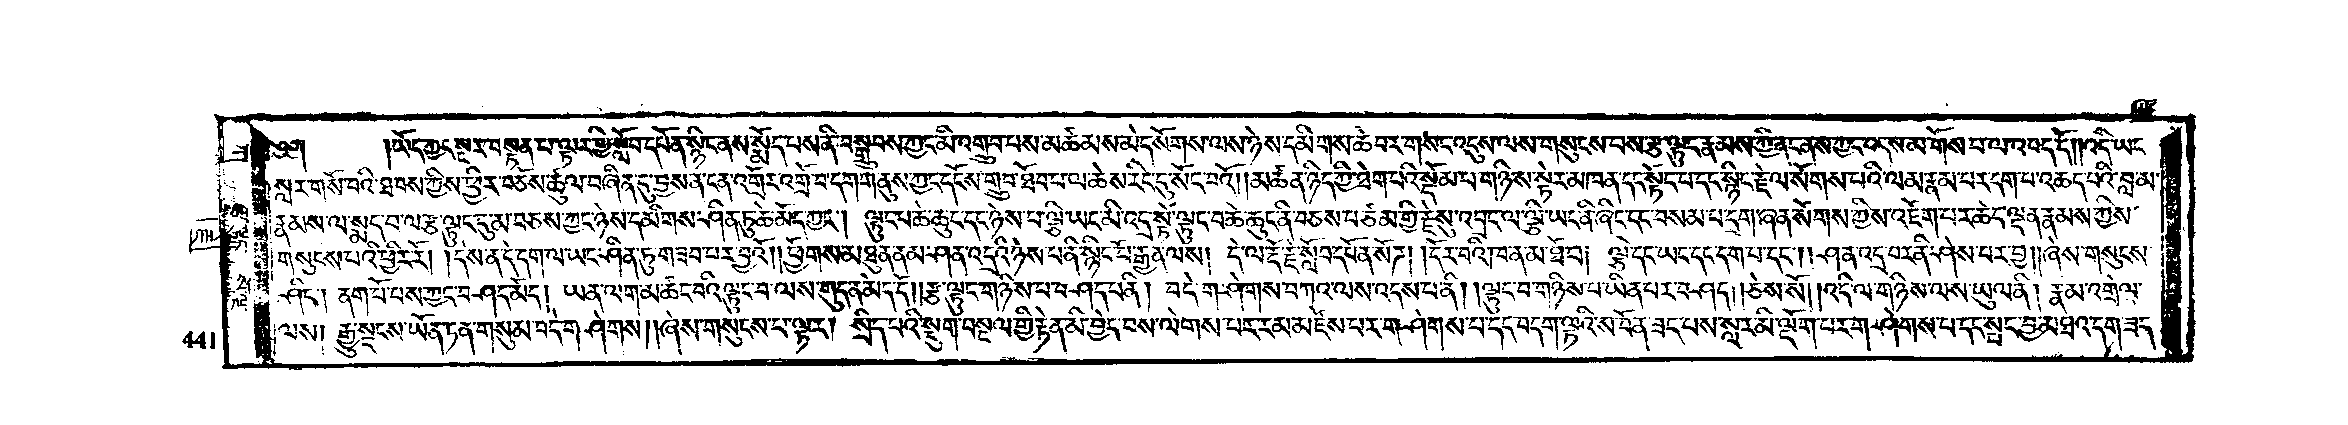༄༅། །ཡོད་ཀྱང་སྔར་བསྟན་པ་ལྟར་གྱི་སློབ་དཔོན་སྙིང་ནས་སྨོད་པས་ནི་བསྒྲུབས་ཀྱང་མི་འགྲུབ་པས་མཚམས་མེད་སོགས་ལས་ཉེས་དམིགས་ཆེ་བར་གསང་འདུས་ལས་གསུངས་པས་རྩ་ལྟུང་རྣམས་ཀྱི་ནང་ནས་ཀྱང་འདས་མ་གོས་པ་ལ་འབད་དོ། །འདི་ཡང་
སླར་གསོ་བའི་ཐབས་ཀྱིས་ཕྱིར་བཅོས་ཚུལ་བཞིན་དུ་བྱས་ན་ངན་འགྲོར་འགྲོ་བ་དགག་ནུས་ཀྱང་དངོས་གྲུབ་ཐོབ་པ་ལ་ཆེས་རིང་དུ་སོང་བའོ། །མཚན་ཉིད་ཀྱི་ཐེག་པའི་སྡོམ་པ་གཉིས་སྟེར་མཁན་དང་སྟོང་པ་དང་སྙིང་རྗེ་ལ་སོགས་པའི་ལམ་རྣམ་པར་དག་པ་འཆད་པའི་བླ་མ་
རྣམས་ལ་སྨད་པ་ལ་རྩ་ལྟུང་དུ་མ་བཅས་ཀྱང་ཉེས་དམིགས་ཤིན་ཏུ་ཆེ་མོད་ཀྱང་། ལྟུང་པ་ཆེ་ཆུང་དང་ཉེས་པ་ལྕི་ཡང་མི་འདྲ་སྟོ་ལྟུང་བ་ཆེ་ཆུང་ནི་བཅས་པ་ཙམ་གྱི་རྗེས་སུ་འབྲང་ལ་ལྕི་ཡང་ནི་ཞིང་དང་བསམ་པ་དྲག་ཞན་སོགས་ཀྱིས་འཇོག་པར་ཆེད་ལྡན་རྣམས་ཀྱིས་
གསུངས་པའི་ཕྱིར་རོ། །དེས་ན་དེ་དག་ལ་ཡང་ཤིན་ཏུ་གཟབ་པར་བྱའོ། །ཕྱོགས་མཐུན་ནམ་ཤན་འདྲའི་ཉེས་པ་ནི་སྙིང་པོ་རྒྱན་ལས། དེ་ལ་རྡོ་རྗེ་སློབ་དཔོན་སོགས། །དོར་བའི་ཁ་ན་མ་ཐོ་བ། ལྕེ་དང་ཡང་དང་དག་པ་དང་། །ཤན་འདྲ་བར་ནི་ཤེས་པར་བྱ། །ཞེས་གསུངས་
ཤིང་། ནག་པོ་བས་ཀྱང་བཤད་མོད། ཡན་ལག་མ་ཚང་བའི་ལྟུང་བ་ལས་གུད་ན་མེད་དོ། །རྩ་ལྟུང་གཉིས་པ་བཤད་པ་ནི། བདེ་གཤེགས་བཀའ་ལས་འདས་པ་ནི། །ལྟུང་བ་གཉིས་པ་ཡིན་པར་བཤད། །ཅེས་སོ། །འདི་ལ་གཉིས་ལས་ཡུལ་ནི། རྣམ་འགྲེལ་
ལས། རྒྱུ་སྡངས་ཡོན་ཏན་གསུམ་བདེ་གཤེགས། །ཞེས་གསུངས་པ་ལྟར། སྲིད་པའི་སྡུག་བསྔལ་གྱི་རྟེན་མི་བྱེད་པས་ལེགས་པར་རམ་མཛེས་པར་གཤེགས་པ་དང་བདག་ལྟའི་ས་བོན་ཟད་པས་སླར་མི་ལྡོག་པར་གཤེགས་པ་དང་སྤང་བྱ་མཐའ་དག་ཟད་